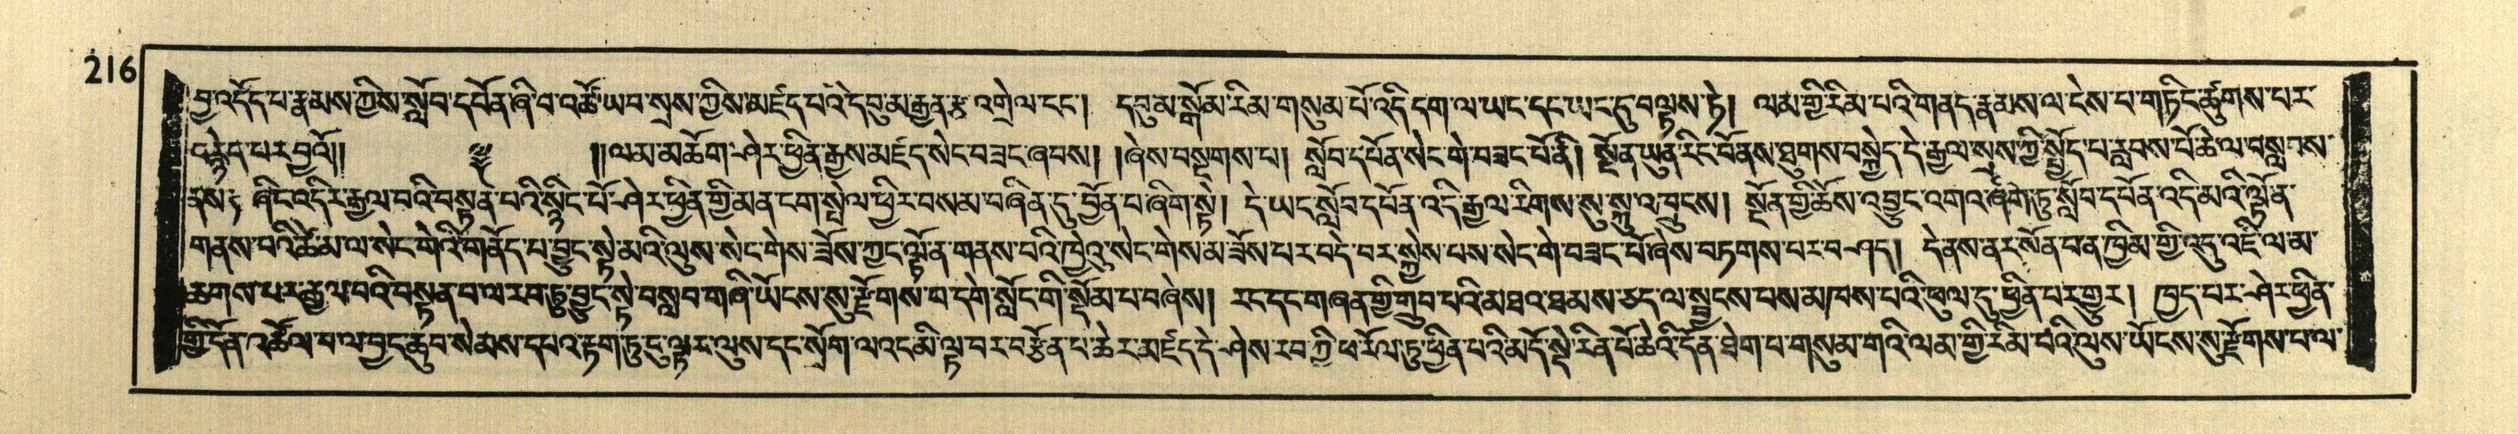བྱ་འདོད་པ་རྣམས་ཀྱིས་སློབ་དཔོན་ཞི་བ་འཚོ་ཡབ་སྲས་ཀྱིས་མཛད་པའི་དབུ་མ་རྒྱན་རྩ་འགྲེལ་དང་། དབུ་མ་སྒོམ་རིམ་གསུམ་པོ་འདི་དག་ལ་ཡང་དང་ཡང་དུ་བལྟས་ཏེ། ལམ་གྱི་རིམ་པའི་གནད་རྣམས་ལ་ངེས་པ་གཏིང་ཚུགས་པར་
བརྙེད་པར་བྱའོ།། ༈ །།ལམ་མཆོག་ཤེར་ཕྱིན་རྒྱས་མཛད་སེང་བཟང་ཞབས། །ཞེས་བསྔགས་པ། སློབ་དཔོན་སེང་གེ་བཟང་པོ་ནི། སྔོན་ཡུན་རིང་བོ་ནས་ཐུགས་བསྐྱེད་དེ་རྒྱལ་སྲས་ཀྱི་སྤྱོད་པ་རླབས་པོ་ཆེ་ལ་བསླབས་
ནས༑ ཞིང་འདིར་རྒྱལ་བའི་བསྟན་པའི་སྙིང་པོ་ཤེར་ཕྱིན་གྱི་མན་ངག་སྤེལ་ཕྱིར་བསམ་བཞིན་དུ་བྱོན་པ་ཞིག་སྟེ། དེ་ཡང་སློབ་དཔོན་འདི་རྒྱལ་རིགས་སུ་སྐུ་འཁྲུངས། སྔོན་གྱི་ཆོས་འབྱུང་འགའ་ཞིག་ཏུ་སློབ་དཔོན་འདི་མའི་ལྟོ་ན་
གནས་པའི་ཚེ་མ་ལ་སེང་གེའི་གནོད་པ་བྱུང་སྟེ་མའི་ལུས་སེང་གེས་ཟོས་ཀྱང་ལྟོ་ན་གནས་པའི་ཁྱེའུ་སེང་གེས་མ་ཟོས་པར་བདེ་བར་སྐྱེས་པས་སེང་གེ་བཟང་པོ་ཞེས་བཏགས་པར་བཤད། དེ་ནས་ནར་སོན་བ་ན་ཁྱིམ་གྱི་འདུ་འཛི་ལ་མ་
ཆགས་པར་རྒྱལ་བའི་བསྟན་པ་ལ་རབ་ཏུ་བྱུང་སྟེ་བསླབ་གཞི་ཡོངས་སུ་རྫོགས་བ་དགེ་སློང་གི་སྡོམ་བ་བཞེས། རང་དང་གཞན་གྱི་གྲུབ་པའི་མཐའ་ཐམས་ཅད་ལ་སྦྱངས་པས་མཁས་པའི་ཕུལ་དུ་ཕྱིན་པར་གྱུར། ཁྱད་པར་ཤེར་ཕྱིན་
གྱི་དོན་འཚོལ་བ་ལ་བྱང་ཆུབ་སེམས་དཔའ་རྟག་ཏུ་དུ་ལྟར་ལུས་དང་སྲོག་ལའང་མི་ལྟ་བར་བརྩོན་པ་ཆེར་མཛད་དེ་ཤེས་རབ་ཀྱི་ཕ་རོལ་ཏུ་ཕྱིན་པའི་མདོ་སྡེ་རིན་པོ་ཆེའི་དོན་ཐེག་པ་གསུམ་གའི་ལམ་གྱི་རིམ་པའི་ལུས་ཡོངས་སུ་རྫོགས་པ་ལ་